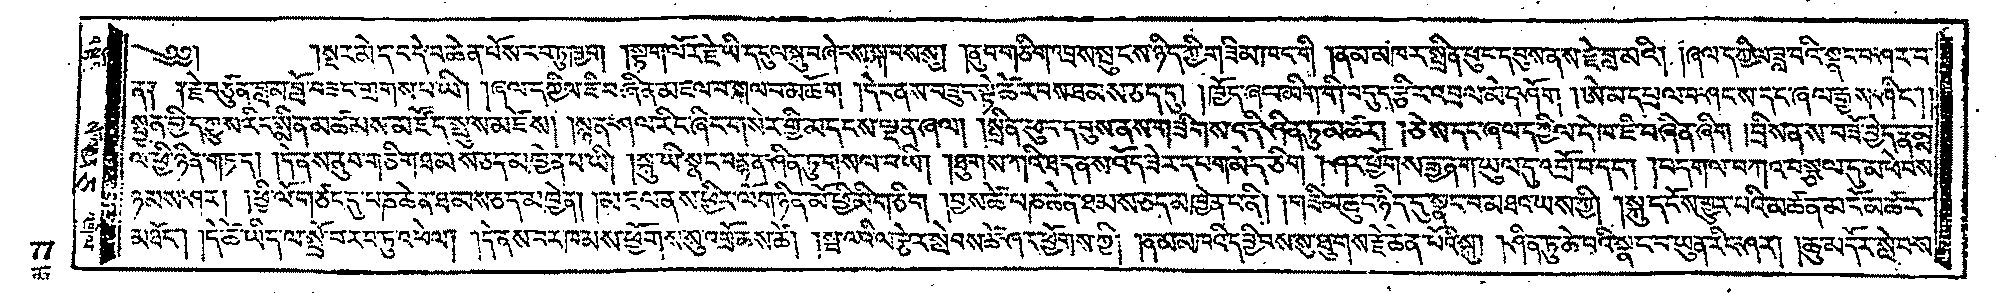༄༅། །སྔར་མེད་བདེ་བ་ཆེན་པོས་རབ་ཏུ་ཁྱབ། །སྟག་ལོར་རྗེ་ཡི་དངུལ་སྐུ་བཞེངས་སྐབས་སུ། །ནུབ་གཅིག་འབྲས་སྤུངས་ཉིད་ཀྱི་གཟིམ་ཁང་གི །ནམ་མཁར་སྤྲིན་ཕུང་དབུས་ནས་རྗེ་བླ་མའི། །ཞལ་དཀྱིལ་ཟླ་བའི་སྣང་བ་ཤར་བ་
ན༑ ༑རྗེ་བཙུན་བླ་མ་བློ་བཟང་གྲགས་པ་ཡི། །ཞལ་དཀྱིལ་ཇི་བཞིན་མཇལ་བ་སྐལ་བ་མཆོག །དེང་ནས་བཟུང་སྟེ་ཚེ་རབས་ཐམས་ཅད་དུ། །ཁྱོད་ཞལ་མིག་གི་བདུད་རྩིར་འབྲལ་མེད་ཤོག །ཨེ་མ་དཔྲལ་བ་ཤངས་དང་ཞལ་རྒྱས་ཤིང་། །
སྤྱན་གྱི་དཀྱུས་རིང་སྨིན་མཚམས་མཛོད་སྤུས་མཛེས། །སྙན་ཤལ་རིང་ཞིང་གསེར་གྱི་མདངས་ལྡན་ཞལ། །སྤྲིན་ཕུང་དབུས་ནས་གཟིགས་འདི་ཤིན་ཏུ་མཚར། །ཅེས་དང་ཞལ་དཀྱིལ་དེ་ཁ་ཇི་བཞིན་ཞིག །བྲིས་ནས་བཟོ་བྱེད་རྣམས་
ལ་ཕྱི་ཉིན་གཏད། །དེ་ནས་ནུབ་གཅིག་ཐམས་ཅད་མཁྱེན་པ་ཡི། །སྐུ་ཡི་སྣང་བརྙན་ཤིན་ཏུ་གསལ་བ་ཡི། །ཐུགས་ཀའི་ཐད་ནས་འོད་ཟེར་དཔག་མེད་ཅིག །ཤར་ཕྱོགས་རྒྱ་ནག་ཡུལ་དུ་འགྲོ་བ་དང་། །བདག་ལ་བཀའ་བསྩལ་དུ་མ་ཕེབས་
ཉམས་ཤར། །ཕྱི་ལོ་གཙང་དུ་པཎ་ཆེན་ཐམས་ཅད་མཁྱེན། །མཇལ་ནས་ཕྱིར་ལོག་ཉིན་མོ་ཕྱི་མིག་ཅིག །བྱས་ཚེ་པཎ་ཆེན་ཐམས་ཅད་མཁྱེན་པ་ནི། །གཟིམ་ཆུང་ཉིད་དུ་སྣང་བ་མཐའ་ཡས་ཀྱི། །སྐུ་དངོས་གྱུར་པའི་མཚན་མ་ངོ་མཚར་
མཐོང་། །དེ་ཚེ་ཡིད་ལ་སྤྲོ་བ་རབ་ཏུ་འཕེལ། །དེ་ནས་བར་ཁམས་ཕྱོགས་སུ་འགྲོ་ཆས་ཚེ། །སྦ་ལའི་ལ་རྩེར་སླེབས་ཚེ་ཤར་ཕྱོགས་ཀྱི། །ནམ་མཁའི་དབྱིབས་སུ་ཐུགས་རྗེ་ཆེན་པོའི་སྐུ། །ཤིན་ཏུ་ཆེ་བའི་སྣང་བ་ཡུན་རིང་ཤར། །ཆུ་མདོར་སླེབས་